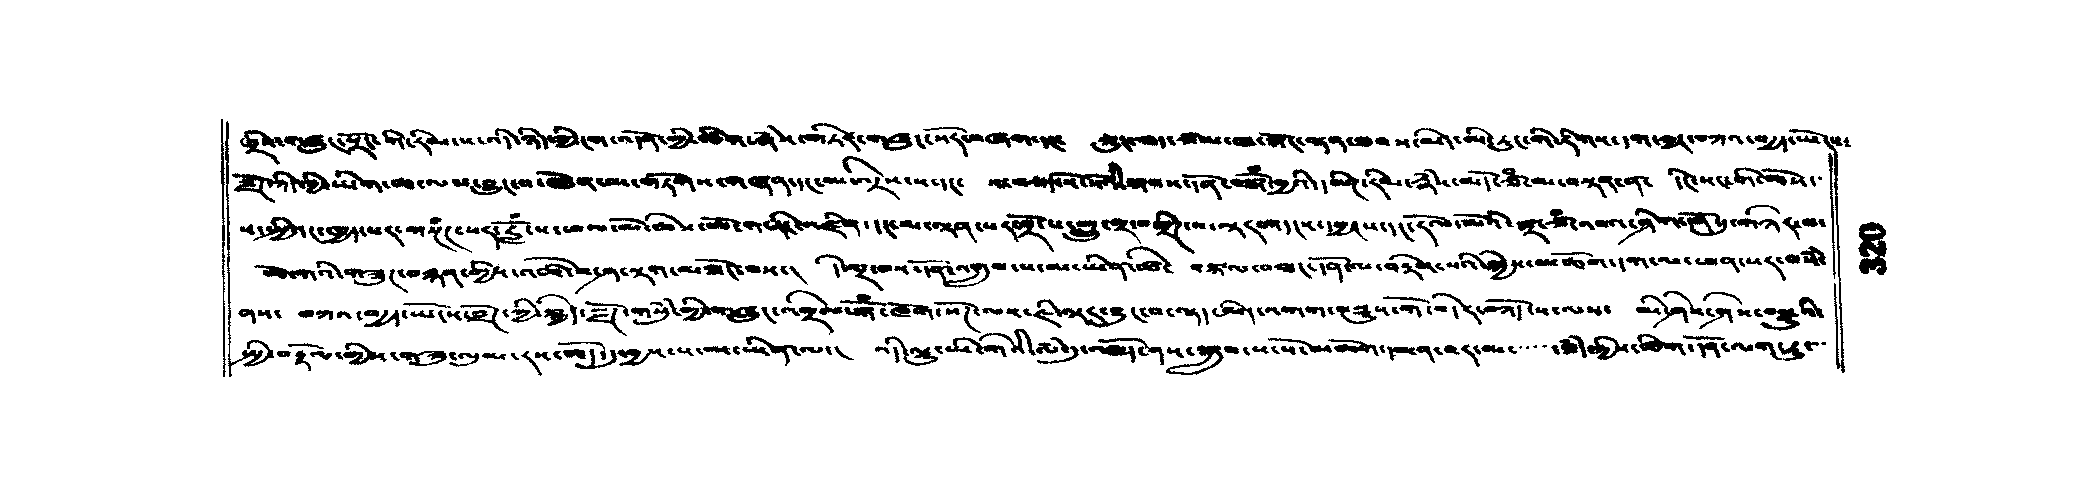གཞུང་སྲོང་གི་རིམ་པ་འདི་ཉིད་ཀྱི་ངག་འདོན་གྱི་ཚིག་རྣམས་གཏེར་གཞུང་སོར་བཞག་དང་། ཅུང་ཟད་ཙམ་ཁ་སྐོང་ལྷན་ཐབས་མེད་མི་རུང་གི་རིགས་དག་ཀྱང་བཀའ་བརྒྱད་ཡོངས་
རྫོགས་ཉིད་ཀྱི་ཡིག་ཆ་ལས་ཕྱུང་བ་ཁོ་ན་མ་གཏོགས་གཞན་དང་མ་འདྲེས་པ་དང་། ས་བཅད་སོ་སོའི་སྐབས་དོན་བསྒོམ་བྱའི་དམིགས་རིམ་རྣམས་མདོ་ཙམ་མ་བསྟན་ན། དིང་སང་གི་ཆོས་
པ་སྤྱི་དང་ཁྱད་པར་གསང་སྔགས་པར་རློམ་པ་ཕལ་མོ་ཆེས་ཆོ་ག་ཏིང་འཛིན་དང་མ་ལྡན་པར་བྲོ་པ་གླུ་གྲ་བསྒྲིགས་པ་ལྟར་མདངས་དབྱངས་དང་རོལ་མོའི་སྒྲ་ཙམ་འབའ་ཤིག་དོན་དུ་གཉེར་བ་
ཆོ་གའི་གཟུགས་བརྙན་གྱིས་འཚོ་བ་ཤ་སྟག་མཐོང་བས། དེ་འདྲ་བས་དོན་འགྲུབ་པ་མ་ཡིན་ཚེ། བསྐལ་བཟང་དོན་ལ་བརྟེན་པའི་སྐྱེས་མཆོག་དག་ལ་ཕན་པར་བསམ་
ནས། བཀའ་བརྒྱད་ཡོངས་རྫོགས་ཀྱི་བསྐྱེད་རྫོགས་གསུམ་གྱི་གཞུང་འབྲེལ་སྒོམ་ཁོག་སོགས་ལས་ཇི་ལྟར་བྱུང་བ་ལྷད་མེད་འགག་བསྡུས་གོ་བདེར་བཀོད་པ་ལས། མི་ཤེས་ཤེས་བརྗུའི་
སྤྱི་བརྟོལ་གྱིས་གཟུ་ལུམ་རས་ཆོད་དུ་བྱས་པ་མ་ཡིན་ལ། འདི་ལྟ་བུ་ཡི་གེའི་ལམ་དུ་འཁོད་ནས་སྒྲུབ་པ་པོ་མཆོག་དམན་བར་མ་ཐམས་ཅད་ཀྱི་ཚིག་དོན་ལག་ཏུ་